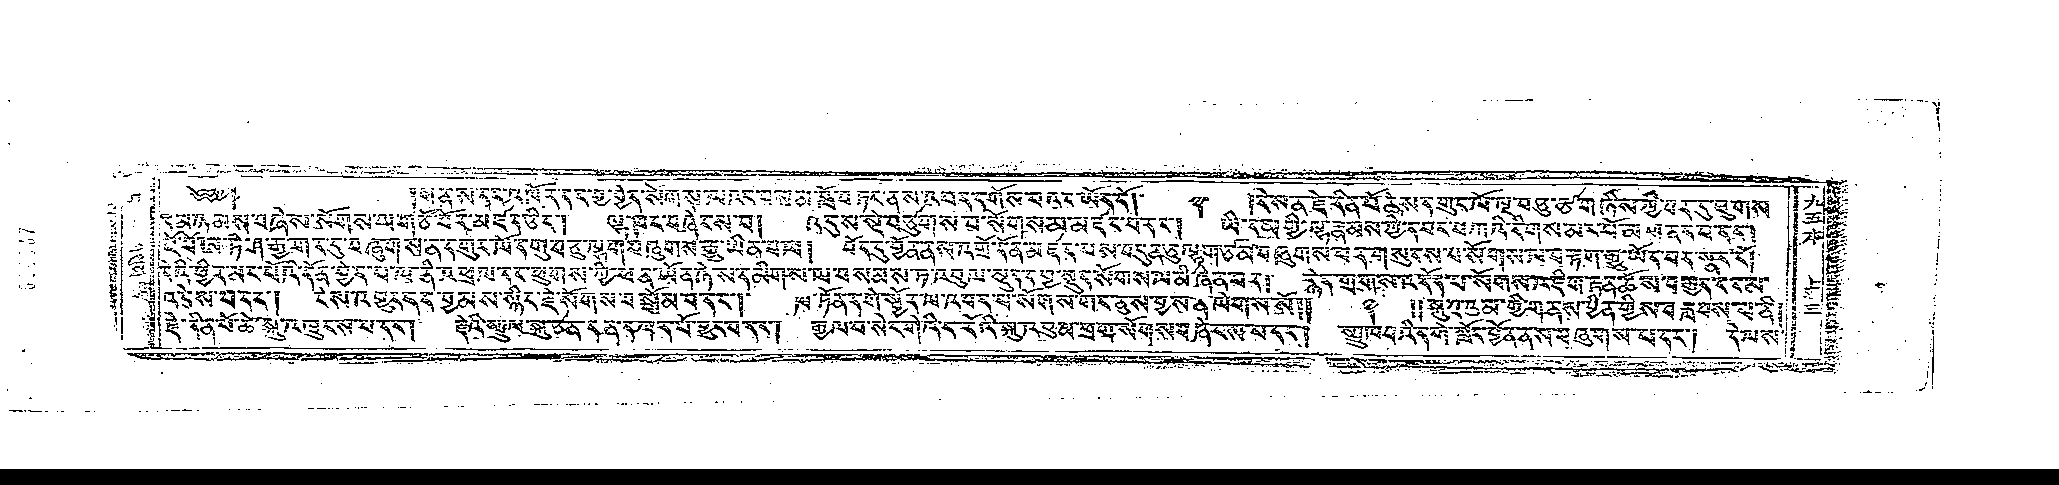༄༅༅། །གནས་དང་འཁོར་དང་བྱ་བྱེད་སོགས་ལ་འང་བསམ་བློ་བཏང་ནས་འབད་དགོས་བའང་ཡོད་དོ། ~་།དེས་ན་རྗེ་རིན་པོ་ཆོས་དགུང་ལོ་ལྔ་བཅུ་རྩ་གཉིས་ཀྱི་བར་དུ་ཐུགས་
དམ་ཉམས་བཞེས་སོགས་ལ་གཙོ་བོར་མཛད་ཅིང་། ལྷ་ཁང་བཞེངས་པ། འཛུས་སྡེ་བཙུགས་པ་སོགས་མ་མཛད་པ་དང་། ཡི་དམ་གྱི་ལྷ་རྣམས་ཀྱི་དབང་བཀའི་རིགས་མང་པོ་མ་གནང་བ་དང་།
ཇོ་བོ་ཨ་ཏི་ཤ་རྒྱ་གར་དུ་བཞུགས་ན་དགུང་ལོ་དགུ་བཅུ་ལྷག་བཞུགས་རྒྱུ་ཡིན་པ་ལ། བོད་དུ་བྱོན་ནས་འགྲོ་དོན་མཛད་པས་བདུན་ཅུ་ལྷག་ཙམ་བཞུགས་པར་གསུངས་པ་སོགས་ལ་བརྟག་རྒྱུ་ཡོད་པར་སྣང་ངོ། །
དེའི་ཕྱིར་མང་པོའི་དོན་བྱེད་པ་ལ་ནི་འཕྲལ་དང་ཕུགས་ཀྱི་ཕན་ཡོན་ཉེས་དམིགས་ལ་བསམས་ཏ་འབུལ་སྡུད་དཔྱ་སྡུད་སོགས་ལ་མི་ཞེན་པར། རྙེད་གྲགས་འདོད་པ་སོགས་འཇིག་རྟེན་ཆོས་བརྒྱད་དང་མ་
འདྲེས་པ་དང་། ངེས་འབྱུང་དང་བྱམས་སྙིང་རྗེ་སོགས་བསྒོམ་པ་དང་། ཁ་ཏོན་དགེ་སྦྱོར་ལ་འབད་པ་སོགས་གང་ནུས་བྱས་ན་ལེགས་སོ།། ~་།།སྐུ་འབུམ་གྱི་གནས་བྱིན་གྱིས་བརླབས་པ་ནི།
རྗེ་རིན་པོ་ཆེ་སྐུ་འཁྲུངས་པ་དང་། རྗེའི་སྤྲུལ་སྐུ་ཙན་དན་དཀར་པོ་བྱུང་བ་དང་། རྒྱལ་བ་སེད་ཀེའི་ང་རོའི་སྐུ་འབུམ་ཕྲག་སོགས་བཞེངས་པ་དང་། སྤྲུལ་པའི་དགེ་སློང་བྱོན་ནས་བཞུགས་པ་དང་། དེ་ལས་